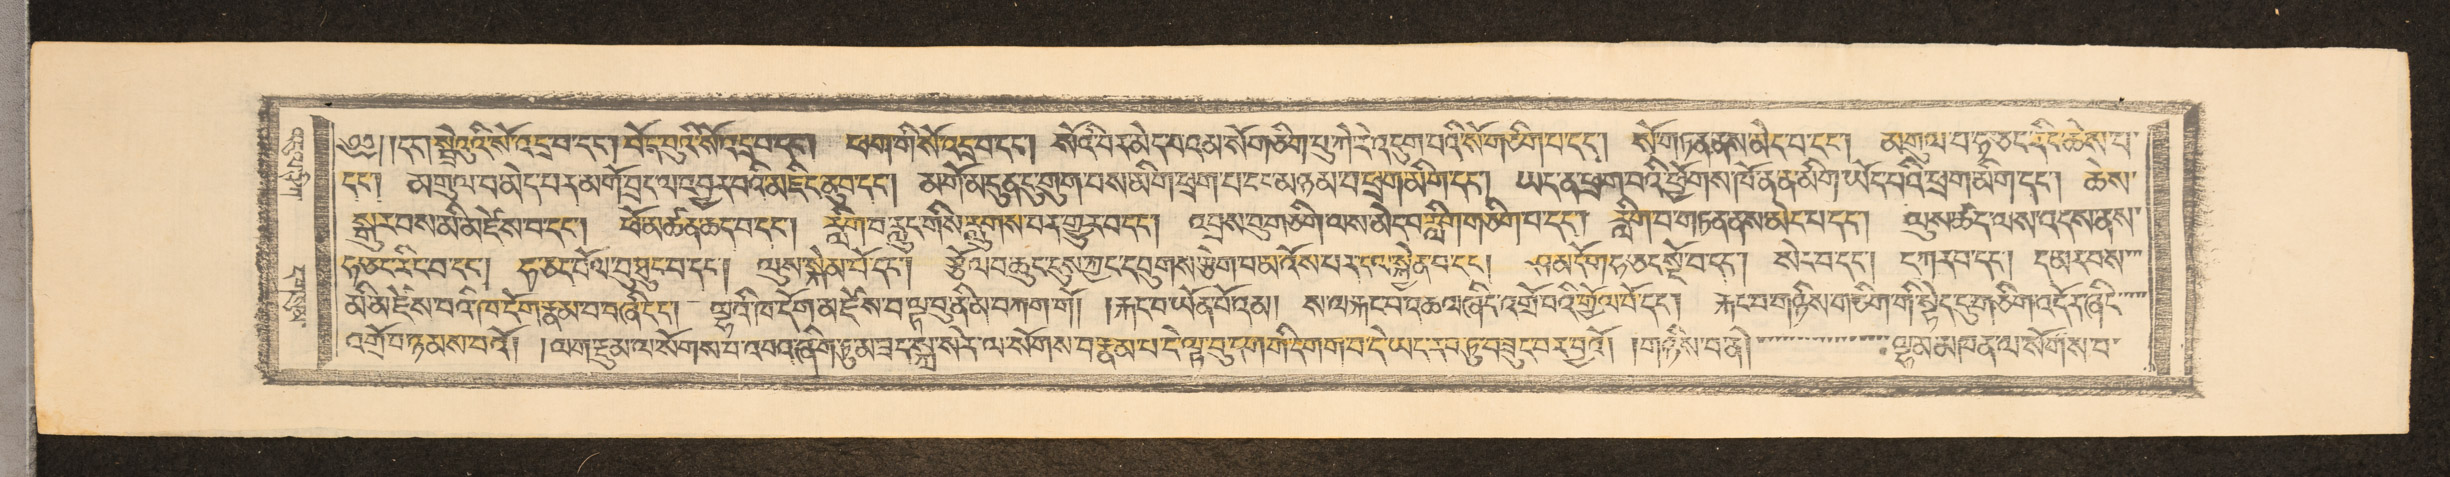༄༅། །དང་། སྤྲེའུའི་སོ་འདྲ་བ་དང་། བོད་བུའི་སོ་འདྲ་བ་དང་། ཕག་གི་སོ་འདྲ་བ་དང་། སོའི་བར་མེད་པའམ་སོ་གཅིག་པུ་ཀེ་རེ་འདུག་པའི་སོ་གཅིག་པ་དང་། སོ་གཏན་ནས་མེད་པ་དང་། མགུལ་བ་ཧ་ཅང་རིང་ཆེས་པ་
དང་། མགུལ་པ་མེད་པར་མགོ་བྲང་ལ་འབྱར་བའི་མཇིང་ནུབ་དང་། མགོ་མདུན་དུ་གུག་པས་མིག་ཕྲག་པ་དང་མཉམ་པ་ཕྲག་མིག་དང་། ཡང་ན་ཕྲག་པའི་ཕྱོགས་ཁོ་ན་ན་མིག་ཡོད་པའི་ཕྲག་མིག་དང་། ཆེས་
སྒུར་བས་མི་མཛེས་པ་དང་། ཕོ་མཚན་ཆད་པ་དང་། རླིག་པ་རླུང་གིས་རླུགས་པར་གྱུར་པ་དང་། འབྲས་བུ་གཅིག་ལས་མེད་པ་རླིག་གཅིག་པ་དང་། རླིག་པ་གཏན་ནས་མེད་པ་དང་། ལུས་ཚད་ལས་འདས་ནས་
ཧ་ཅང་དིང་བ་དང་། ཧ་ཅང་བོལ་བུ་ཐུང་བ་དང་། ལུས་སྐེམ་པོ་དང་། རྩོལ་བ་ཆུང་དུས་ཀྱང་དབུགས་རྩེག་པ་མ་འོས་པར་ངལ་སྐྱེན་པ་དང་། ཤ་མདོག་ཧ་ཅང་སྔོ་བ་དང་། སེ་རབ་དང་། དཀར་བ་དང་། དམར་བས་
མི་མཛེས་པའི་ཁ་དོག་རྣམ་པ་བཞི་དང་། ལྷའི་ཁ་དོག་མཛེས་པ་ལྟ་བུ་ནི་མ་བཀག་གོ། །རྐང་པ་ཡོན་པོ་འམ། ས་ལ་རྐང་པ་འཆལ་ཞིང་འགྲོ་པའི་གྱོལ་པོ་དང་། རྐང་པ་གཉིས་གཅིག་གི་སྟེང་དུ་གཅིག་འདོར་ཞིང་
འགོ་བ་ཉམས་པའོ། །ལག་རྡུམ་ལ་སོགས་པ་འབའ་ཞིག་ཏུ་མ་ཟད་སྐྲ་སེར་ལ་སོགས་བ་རྣམ་པ་དེ་ལྟ་བུ་དག་གི་དགག་པ་དེ་ཡང་རབ་ཏུ་བཟུང་བར་བྱའོ། །གཉིས་པ་ནི། ལྷམ་མཁན་ལ་སོགས་པ་